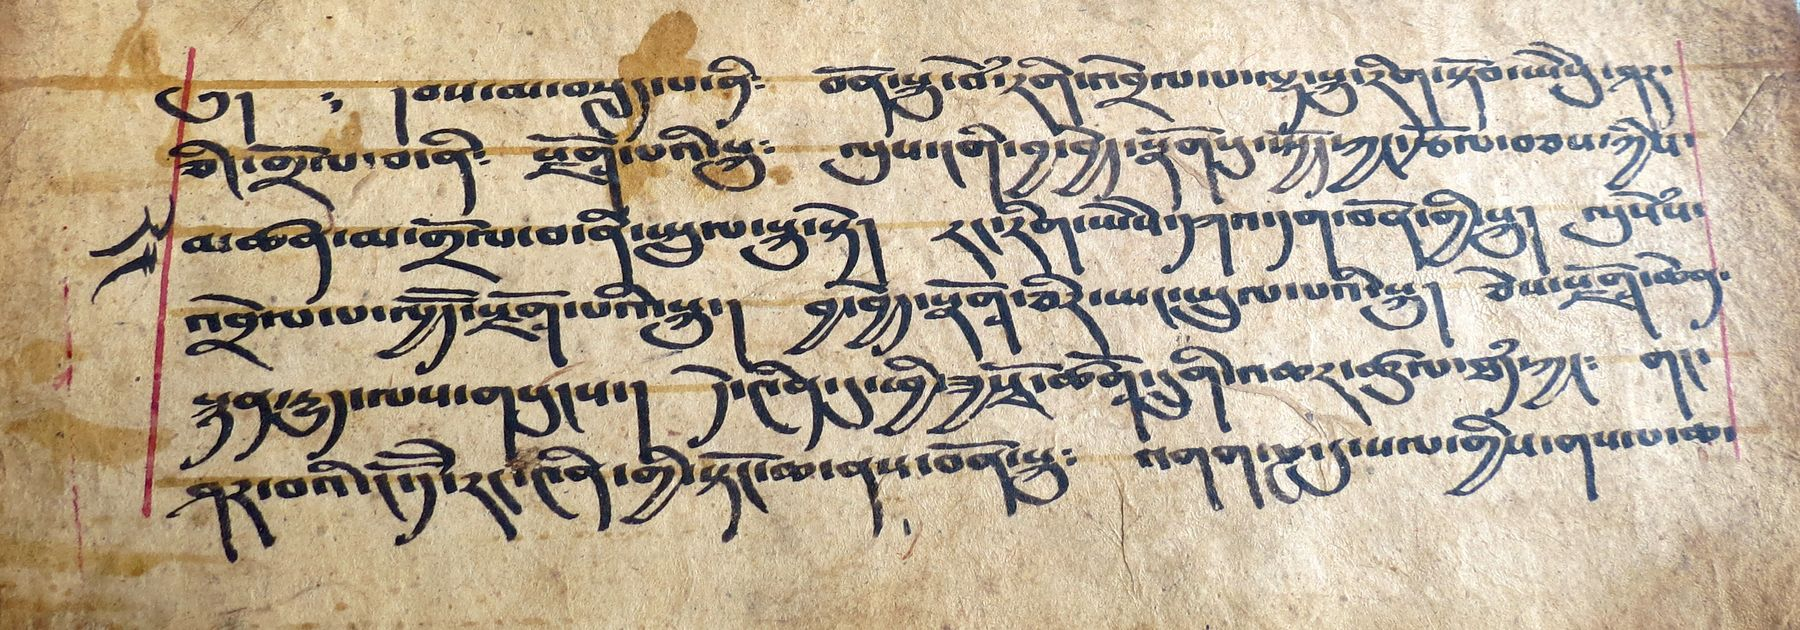མ་བསླད་པ་ནི་བོན་སྐུ། བེམ་རིག་འབྲེལ་བ་ལྷ་སྐུ་རིགས་སྟོབས་ཡེ་ཤེས་ཤར་
ཅིང་གྲོལ་བ་ནི་རྫོགས་སྐུ། ལུས་ངག་གི་བྱ་བྱེད་སྣ་ཚོགས་སྤྱོད་ཀྱང་རྩོལ་བཅས་ཀྱིས་
མཚན་མ་གྲོལ་བ་ནི་སྤྲུལ་སྐུ་སྟེ། རང་རིག་ཡེ་ཤེས་ཀ་དག་བོན་གྱི་སྐུ། ལུས་སེམས་
འབྲེལ་བ་ལོངས་སྤྱོད་རྫོགས་པའི་སྐུ། བྱ་བྱེད་སྣ་ཚོགས་ཅིར་ཡང་སྤྲུལ་པའི་སྐུ། ཞེས་རྫོགས་ཆེན་
སྙན་རྒྱུད་ལས་གསུངས་སོ། ། དེ་བཞིན་དུ་ཕྱི་གཟུགས་སོགས་ཚོགས་དྲུག་གི་འཆར་ཚུལ་ཐམས་ཅད་ཀྱང་གང་
ཤར་བའི་ངོ་བོ་དེ་རང་བཞིན་གྱི་སྟོང་ཆ་ནས་བོན་སྐུ། འགག་མེད་དུ་སལ་གྱིས་གསལ་ཆ་